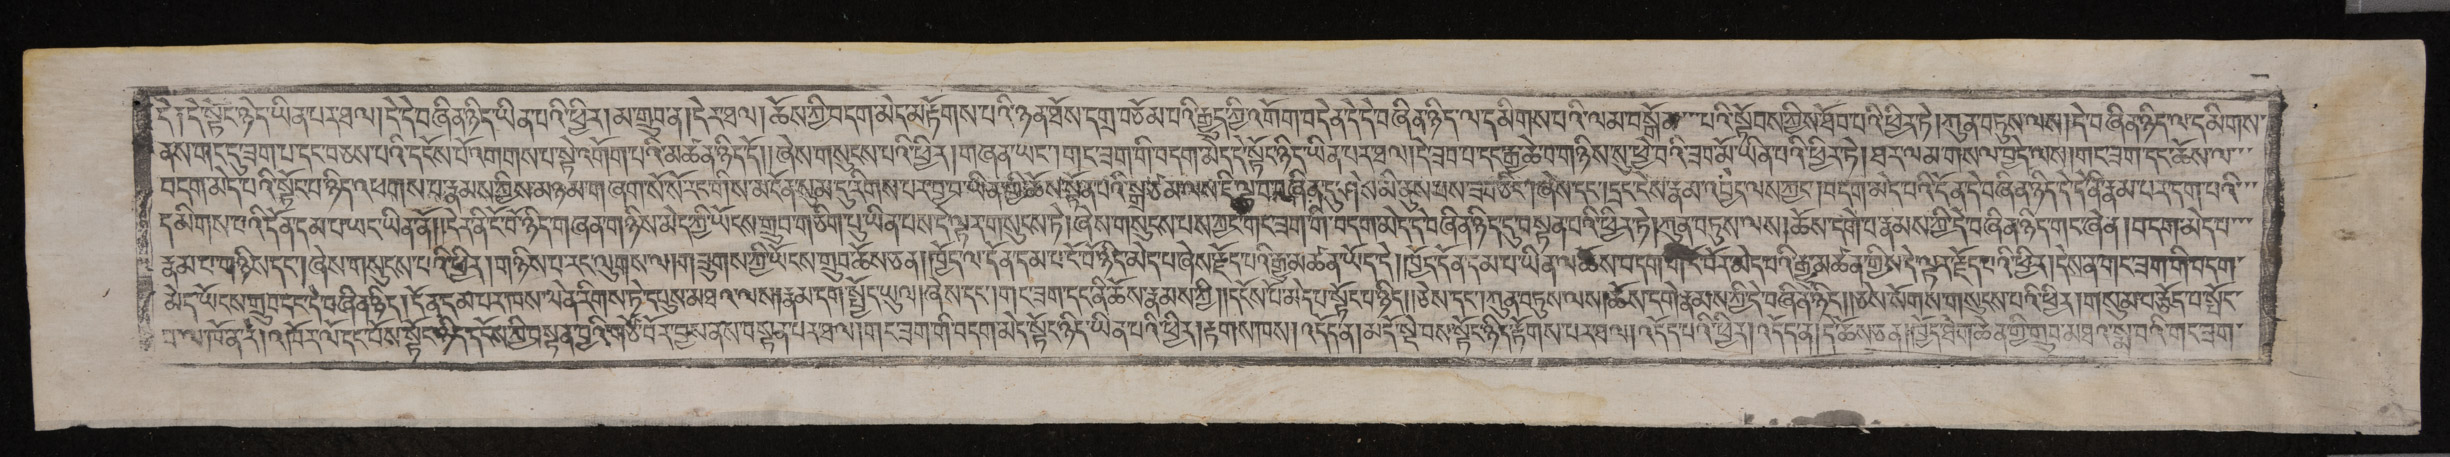དེ། དེ་སྟོང་ཉིད་ཡིན་པར་ཐལ། དེ་དེ་བཞིན་ཉིད་ཡིན་པའི་ཕྱིར། མ་གྲུབ་ན། དེར་ཐལ། ཆོས་ཀྱི་བདག་མེད་མ་རྟོགས་པའི་ཉན་ཐོས་དགྲ་བཅོམ་པའི་རྒྱུད་ཀྱི་འགོག་བདེན་དེ་དེ་བཞིན་ཉིད་ལ་དམིགས་པའི་ལམ་བསྒོམ་པའི་སྟོབས་ཀྱིས་ཐོབ་པའི་ཕྱིར་ཏེ། ཀུན་བཏུས་ལས། དེ་བཞིན་ཉིད་ལ་དམིགས་
ནས་གང་དུ་ཟག་པ་དང་བཅས་པའི་དངོས་པོ་འགགས་པ་སྟེ་འགོག་པའི་མཚན་ཉིད་དོ། །ཞེས་གསུངས་པའི་ཕྱིར། གཞན་ཡང་། གང་ཟག་གི་བདག་མེད་དེ་སྟོང་ཉིད་ཡིན་པར་ཐལ། དེ་ཟབ་པ་དང་རྒྱ་ཆེ་བ་གཉིས་སུ་ཕྱེ་བའི་ཟབ་མོ་ཡིན་པའི་ཕྱིར་ཏེ། ཐར་ལམ་གསལ་བྱེད་ལས། གང་ཟག་དང་ཆོས་ལ་
བདག་མེད་པའི་སྟོང་པ་ཉིད་འཕགས་པ་རྣམས་ཀྱིས་མཉམ་གཞག་སོ་སོ་རང་གིས་མངོན་སུམ་དུ་རིགས་པར་བྱ་བ་ཡིན་གྱི་ཆོས་སྟོན་པའི་སྒྲ་ཙམ་ལས་ཇི་ལྟ་བ་བཞིན་དུ་ཤེས་མི་ནུས་པས་ཟབ་ཅིང་། ཞེས་དང་། དྲང་ངེས་རྣམ་འབྱད་ལས་ཀྱང་། བདག་མེད་པའི་དོན་དེ་བཞིན་ཉིད་དེ་དེ་ནི་རྣམ་པར་དག་པའི་
དམིགས་པའི་དོན་དམ་པ་ཡང་ཡིན་ནོ། །དེར་ནི་ངོ་བོ་ཉིད་གཞན་གཉིས་མེད་ཀྱི་ཡོངས་གྲུབ་གཅིག་པུ་ཡིན་པས་དེ་ལྟར་གསུངས་ཏེ། ཞེས་གསུངས་པས་ཀྱང་གང་ཟག་གི་བདག་མེད་དེ་བཞིན་ཉིད་དུ་བསྟན་པའི་ཕྱིར་ཏེ། ཀུན་བཏུས་ལས། ཆོས་དགེ་བ་རྣམས་ཀྱི་དེ་བཞིན་ཉིད་གང་ཞེ་ན། བདག་མེད་པ་
རྣམ་པ་གཉིས་དང་། ཞེས་གསུངས་པའི་ཕྱིར། གཉིས་པ་རང་ལུགས་ལ། གཟུགས་ཀྱི་ཡོངས་གྲུབ་ཆོས་ཅན། ཁྱོད་ལ་དོན་དམ་པ་ངོ་བོ་ཉིད་མེད་པ་ཞེས་རྗོད་པའི་རྒྱུ་མཚན་ཡོད་དེ། ཁྱོད་དོན་དམ་པ་ཡིན་ལ་ཆོས་བདག་གི་ངོ་བོར་མེད་པའི་རྒྱུ་མཚན་གྱིས་དེ་ལྟར་རྗོད་པའི་ཕྱིར། དེས་ན་གང་ཟག་གི་བདག་
མེད་ཡོངས་གྲུབ་དང་དེ་བཞིན་ཉིད། དོན་དམ་པར་ཁས་ལེན་རིགས་ཏེ་དབུས་མཐའ་ལས། རྣམ་དག་སྤྱོད་ཡུལ། ཞེས་དང་། གང་ཟག་དང་ནི་ཆོས་རྣམས་ཀྱི། །དངོས་པོ་མེད་པ་སྟོང་པ་ཉིད། །ཅེས་དང་། ཀུན་བཏུས་ལས། ཆོས་དགེ་རྣམས་ཀྱི་དེ་བཞིན་ཉིད། །ཅེས་སོགས་གསུངས་པའི་ཕྱིར། གསུམ་པ་རྩོད་པ་སྤོང་
བ་ལ་ཁོ་ནར། འཁོར་ལོ་དང་པོས་སྟོང་ཉིད་དངོས་ཀྱི་བསྟན་བྱའི་གཙོ་བོར་བྱས་ནས་བསྟན་པར་ཐལ། གང་ཟག་གི་བདག་མེད་སྟོང་ཉིད་ཡིན་པའི་ཕྱིར། རྟགས་ཁས། འདོད་ན། མདོ་སྡེ་བས་སྟོང་ཉིད་རྟོགས་པར་ཐལ། འདོད་པའི་ཕྱིར། འདོད་ན། དེ་ཆོས་ཅན། ཁྱོད་ཐེག་ཆེན་གྱི་གྲུབ་མཐའ་སྨྲ་བའི་གང་ཟག་